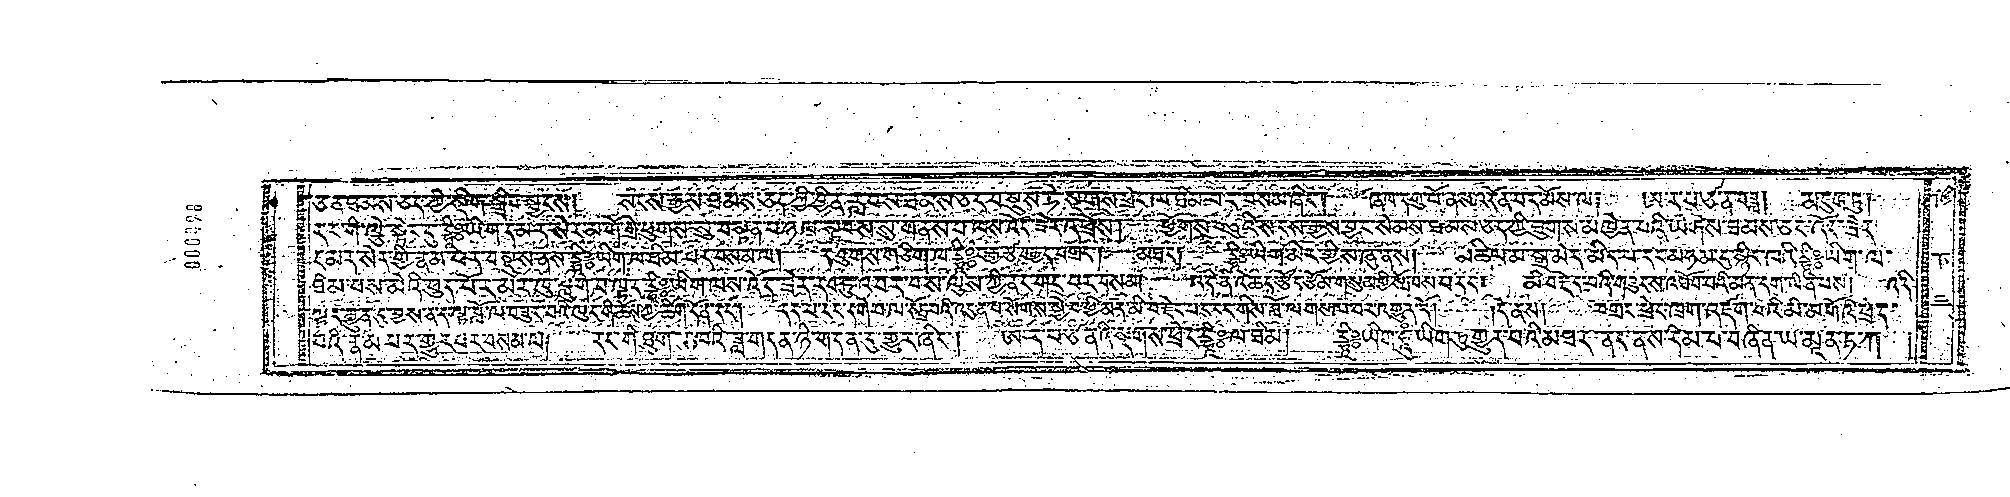ཅན་ཐམས་ཅད་ཀྱི་སྡིག་སྒྲིབ་སྦྱངས། སངས་རྒྱས་ཐམས་ཅད་ཀྱི་བྱིན་རླབས་ཐམས་ཅད་བསྡུས་ཏེ་སྔགས་ཕྲེང་ལ་ཐིམ་པར་བསམ་ཞིང་། ཞལ་དགུ་པོ་ནས་འདོན་པར་མོས་ལ། ཨ་ར་པ་ཙ་ན་བཟླ། མཇུག་ཏུ།
རང་གི་ལྕེ་སྟེང་དུ་དྷཱིཿ་ཡིག་དམར་སེར་མ་གོ་གྲེ་ཕུགས་སུ་བསྟན་པ་ཉལ་སྟབས་སུ་གནས་པ་ལས་འོད་ཟེར་འཕྲོས། ཕྱོགས་བཅུའི་སངས་རྒྱས་བྱང་སེམས་ཐམས་ཅད་ཀྱི་ཐུགས་མཁྱེན་པའི་ཡེ་ཤེས་ཐམས་ཅད་འོད་ཟེར་
དམར་སེར་གྱི་རྣམ་པར་བསྡུས་ནས་དྷཱིཿ་ཡིག་ལ་ཐིམ་པར་བསམ་ལ། དབུགས་གཅིག་ལ་དྷཱིཿ་བརྒྱ་རྩ་བརྒྱད་བགྲང་། མཐར། དྷཱིཿ་ཡིག་མེར་གྱིས་ཞུ་ནས། མཆིལ་མ་སྒྲ་མེད་མིང་པ་དང་མཉམ་དུ་སྙིང་ཁའི་དྷཱིཿ་ཡིག་ལ་
ཐིམ་པས་མེའི་ཕུང་པོར་མར་ཁུ་བླུག་པ་ལྟར་དྷཱིཿ་ཡིག་ལས་འོད་ཟེར་རབ་ཏུ་འབར་བས་ལུས་ཀྱི་ནང་གང་བར་བསམ། འདི་ནི་འཆད་རྩོད་རྩོམ་གསུམ་གྱི་སྤོབས་པ་དང་། མི་བརྗེད་པའི་གཟུངས་འཐོབ་པའི་མན་ངག་ཡིན་པས། འདི་
ལྟར་རྒྱུན་དུ་བྱས་ན་ད་ལྟ་བློ་ལ་བཟུང་བའི་ལུང་གི་ཆོས་ཀྱི་ཚིག་དོན་དང་། དང་པ་དང་དགེ་བ་ལ་སྤྲོ་བའི་འདུན་པ་སོགས་སྐྱེ་བ་ཕྱི་མར་མི་བརྗེད་པར་རང་གིས་བློ་ལ་གསལ་བར་འགྱུར་རོ། །དེ་ནས། བགྲང་ཕྲེང་ཁྲག་འཛག་བའི་མི་མགོའི་ཕྲེང་
བའི་རྣམ་པར་གྱུར་པར་བསམ་ལ། རང་གི་ཐུགས་ཁའི་ཟླ་གདན་ཉི་གདན་དུ་གྱུར་ཞིང་། ཨར་པ་ཙ་ནའི་སྔགས་ཕྲེང་དྷཱིཿ་ལ་ཐིམ། དྷཱིཿ་ཡིག་ཧཱུཾ་ཡིག་ཏུ་གྱུར་པའི་མཐར་ནང་ནས་རིམ་པ་བཞིན་ཡ་མཱན་ཏ་ཀ་